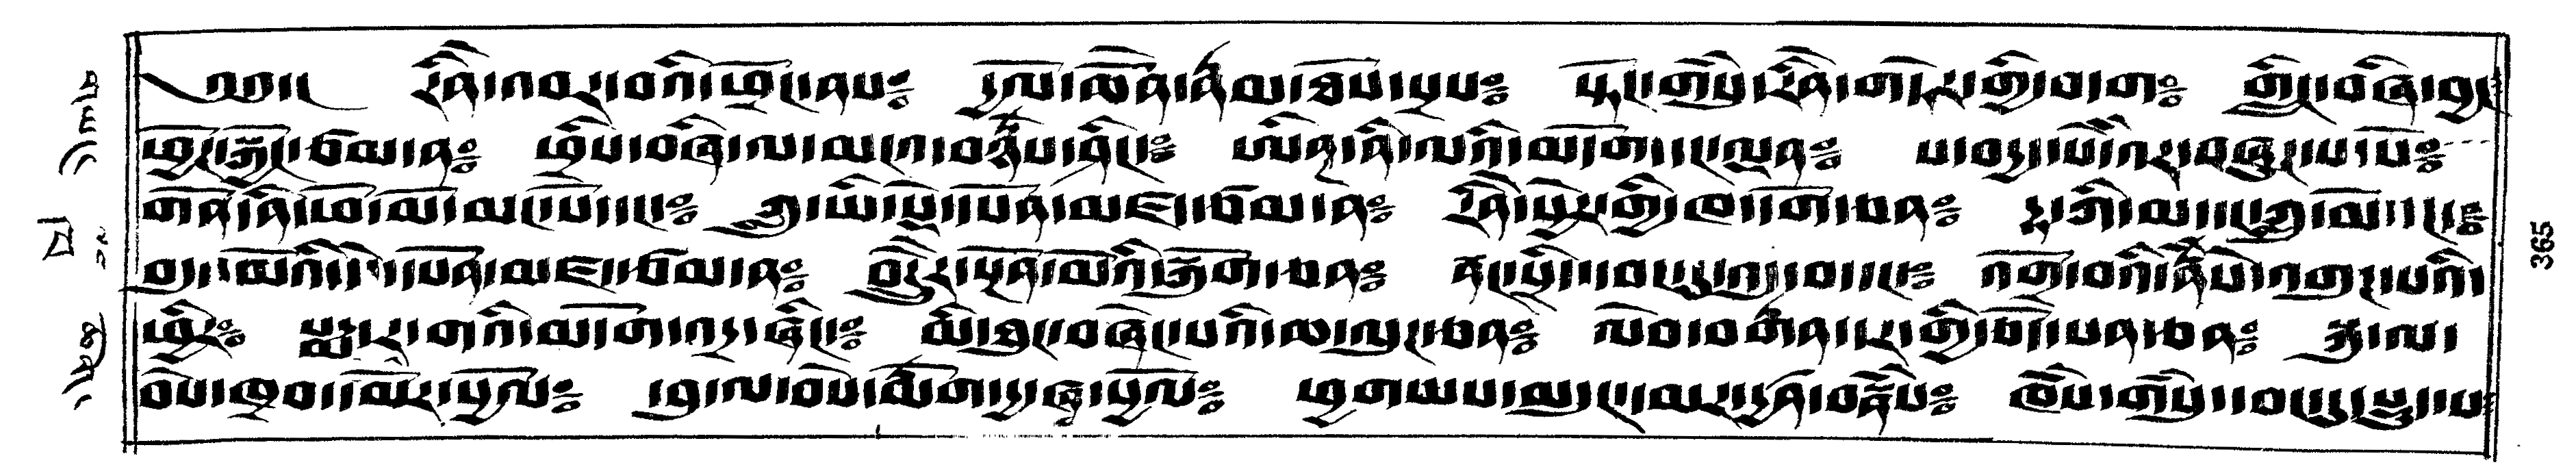རིན་ཆེན་འབར་བའི་ཕོ་བྲང་ནས༔ རྒྱལ་པོ་ཆེན་པོ་རྣམ་ཐོས་སྲས༔ སྟོང་གསུམ་རིན་ཆེན་གཏེར་གྱི་བདག༔ གླིང་བཞི་བྱང་
ཕྱོགས་སྐྱོང་ཙ་ན༔ ཕྲིན་ལས་བཞི་ལ་མངའ་བརྙེས་ཤིང༔ ཨིཎྜ་ནི་ལའི་མདོག་དང་ལྡན༔ ས་བརྒྱད་སེམས་པར་བཞུགས་པ་པོ༔ 
གནོད་སྦྱིན་ཕོ་མོ་མང་པོ་དང༔ ཀླུ་ཡི་སྡེ་དཔོན་མཛད་ཙ་ན༔ རིན་ཆེན་གསེར་གྱི་ཁ་དོག་ཅན༔ རྟ་ཀི་མ་དང་ཀླུ་མོ་དང༔ 
བདུད་མོའི་དེད་དཔོན་མཛད་ཙ་ན༔ བཻཌཱུར་སྔོན་མོའི་སྐུ་མདོག་ཅན༔ སྣང་སྲིད་དབང་དུ་བསྡུ་བ་དང༔ འགྲོ་བའི་རྣམ་ཤེས་འགུགས་པའི་
ཕྱིར༔ པདྨ་རཱ་གའི་མདོག་འདྲ་ཞིང༔ མི་ཐུང་བཞེངས་པའི་ཆ་ལུགས་ཅན༔ ལེ་བརྒན་དར་གྱི་ཅོད་པན་ཅན༔ སྐུ་ལ་
བསེ་ཁྲབ་དམར་པོ་གསོལ༔ དབུ་ལ་བསེ་རྨོག་རྒྱ་ཞྭ་གསོལ༔ ཕྱག་གཡས་མདུང་དམར་རྒྱལ་མཚན་བསྣམས༔ ཁམས་གསུམ་དབང་དུ་སྡུད་པ་